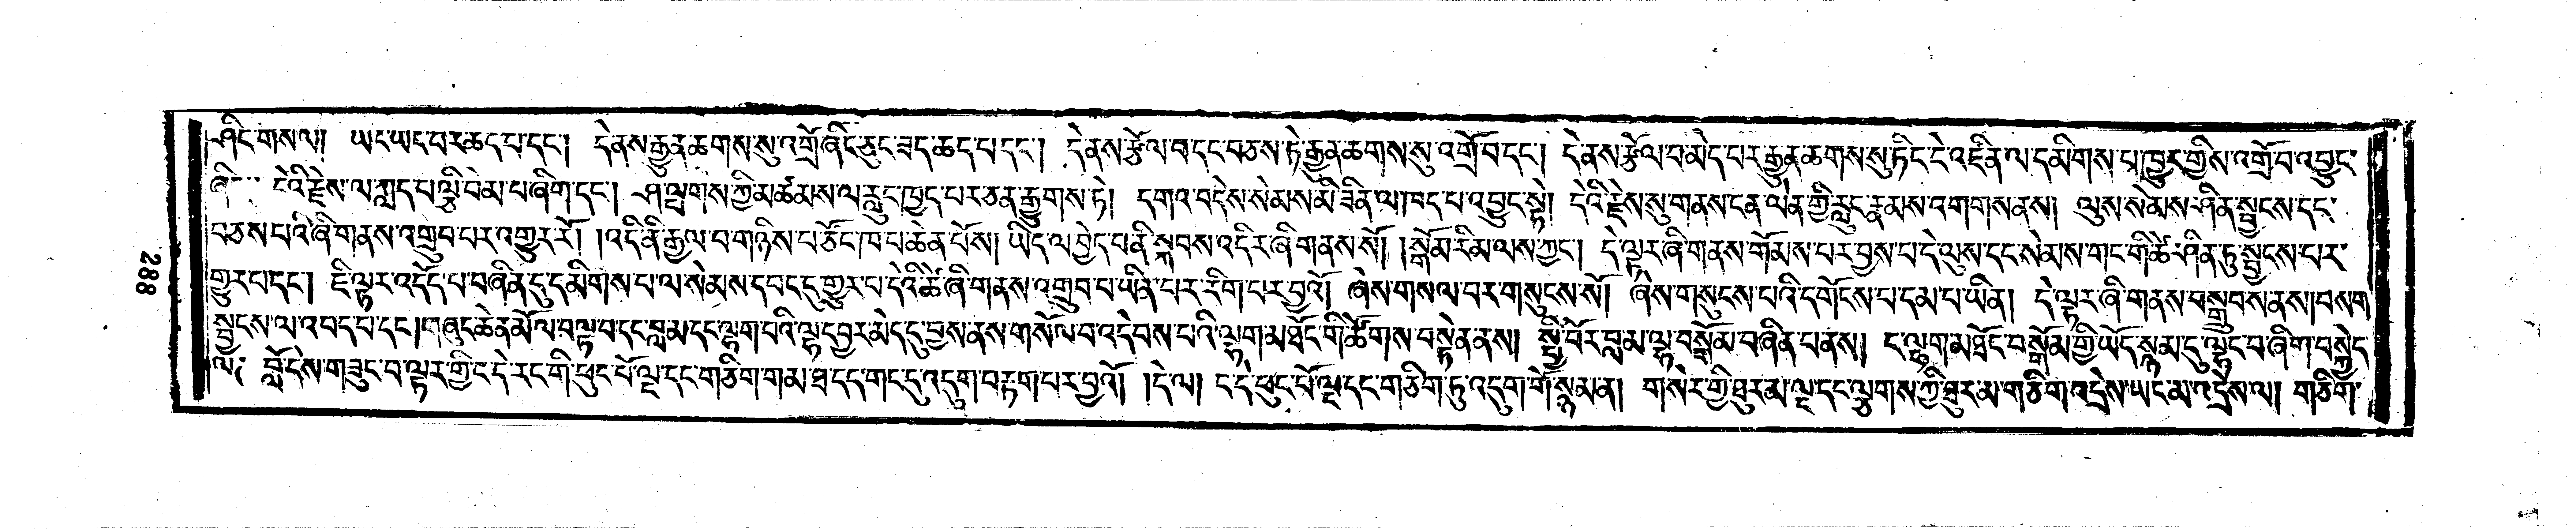ཤིང་གསལ། ཡང་ཡང་བར་ཆད་པ་དང་། དེ་ནས་རྒྱུན་ཆགས་སུ་འགྲོ་ཞིང་ཅུང་ཟད་ཆད་པ་དང་། དེ་ནས་རྩོལ་བ་དང་བཅས་ཏེ་རྒྱུན་ཆགས་སུ་འགྲོ་བ་དང་། དེ་ནས་རྩོལ་བ་མེད་པར་རྒྱུན་ཆགས་སུ་ཏིང་ངེ་འཛིན་ལ་དམིགས་པ་ཁྱུར་གྱིས་འགྲོ་བ་འབྱུང་
ཞིང༑ དེའི་རྗེས་ལ་ཀླད་པ་ལྕི་བེམ་པ་ཞིག་དང་། ཤ་ལྤགས་ཀྱི་མཚམས་ལ་རླུང་ཁྱད་པར་ཅན་རྒྱུགས་ཏེ། དགའ་བདེས་སེམས་མི་ཟིན་ལ་ཁྱད་པ་འབྱུང་སྟེ། དེའི་རྗེས་སུ་གནས་ངན་ལེན་གྱི་རླུང་རྣམས་འགགས་ནས། ལུས་སེམས་ཤིན་སྦྱངས་དང་
བཅས་པའི་ཞི་གནས་འགྲུབ་པར་འགྱུར་རོ། །འདི་ནི་རྒྱལ་བ་གཉིས་པ་ཙོང་ཁ་པ་ཆེན་པོས། ཡིད་ལ་བྱེད་པ་ནི་སྐབས་འདིར་ཞི་གནས་སོ། །སྒོམ་རིམ་ལས་ཀྱང་། དེ་ལྟར་ཞི་གནས་གོམས་པར་བྱས་པ་དེ་ལུས་དང་སེམས་གང་གི་ཚེ་ཤིན་ཏུ་སྦྱངས་པར་
གྱུར་པ་དང་། ཇི་ལྟར་འདོད་པ་བཞིན་དུ་དམིགས་པ་ལ་སེམས་དབང་དུ་གྱུར་པ་དེའི་ཚེ་ཞི་གནས་འགྲུབ་པ་ཡིན་པར་རིག་པར་བྱའོ། ཞེས་གསལ་བར་གསུངས་སོ། ཞེས་གསུངས་པའི་དགོངས་པ་དམ་པ་ཡིན། དེ་ལྟར་ཞི་གནས་བསྒྲུབས་ནས། བསག་
སྦྱངས་ལ་འབད་པ་དང་། གཞུང་ཆེན་མོ་ལ་བལྟ་བ་དང་བླ་མ་དང་ལྷག་པའི་ལྷ་དབྱར་མེད་དུ་བྱས་ནས་གསོལ་བ་འདེབས་པའི་ལྷག་མཐོང་གི་ཚོགས་བསྟེན་ནས། སྤྱི་བོར་བླ་མ་ལྷ་བསྒོམ་བཞིན་པ་ནས། ང་ལྷག་མཐོང་བསྒོམ་གྱི་ཡོད་སྙམ་དུ་ལྷང་བ་ཞིག་བསྐྱེད་
ལ༑ བློ་དེས་གཟུང་བ་ལྟར་གྱིང་དེ་རང་གི་ཕུང་པོ་ལྔ་དང་གཅིག་གམ་ཐ་དད་གང་དུ་འདུག་བརྟག་པར་བྱའོ། །དེ་ལ། དེ་ཕུང་པོ་ལྔ་དང་གཅིག་ཏུ་འདུག་གོ་སྙམ་ན། གསེར་གྱི་ཐུར་མ་ལྔ་དང་ལྕགས་ཀྱི་ཐུར་མ་གཅིག་འདྲེས་ཡང་མ་འདྲེས་ལ། གཅིག་